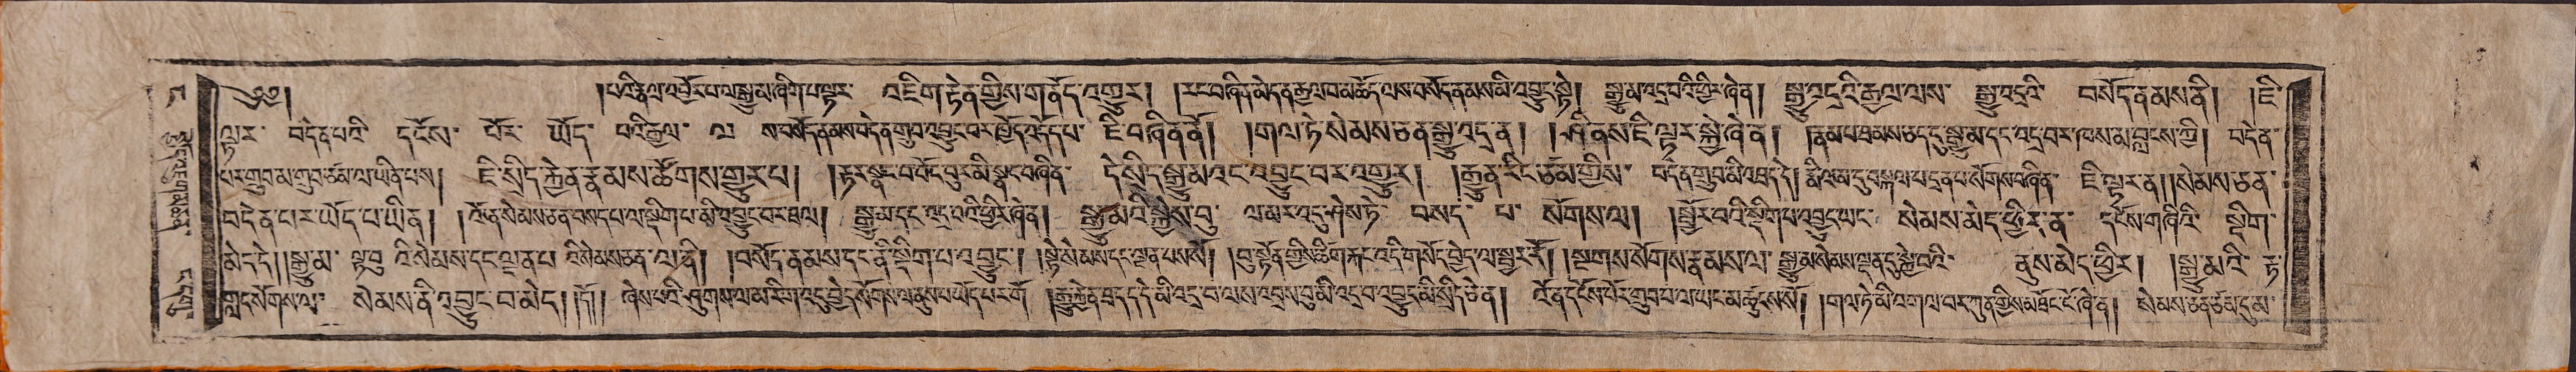༄༅། །པའི་རྣལ་འབྱོར་པ་ལ་སྒྱུ་མ་ཞིག་པ་ལྟར་འཇིག་རྟེན་གྱིས་གནོད་འགྱུར། །རང་བཞིན་མེད་ན་རྒྱལ་བ་མཆོད་ལས་བསོད་ནམས་མི་འབྱུང་སྟེ། སྒྱུ་མ་འདྲ་བའི་ཕྱིར་ཞེ་ན།  སྒྱུ་འདྲའི་རྒྱལ་ལས་སྒྱུ་འདྲའི་བསོད་ནམས་ནི། །ཇི་
ལྟར་བདེན་པའི་དངོས་པོར་ཡོད་པའི་རྒྱལ་ལས་བསོད་ནམས་བདེན་གྲུབ་འབྱུང་བར་ཁྱོད་འདོད་པ་ཇི་བཞིན་ནོ། །གལ་ཏེ་སེམས་ཅན་སྒྱུ་འདྲ་ན། །ཤི་ནས་ཇི་ལྟར་སྐྱེ་ཞེ་ན། །རྣམ་པ་ཐམས་ཅད་དུ་སྒྱུ་མ་དང་འདྲ་བར་ཁས་མ་བླངས་ཀྱི། བདེན་
པར་གྲུབ་མ་གྲུབ་ཙམ་ལ་ཡིན་པས། ཇི་སྲིད་རྐྱེན་རྣམས་ཚོགས་གྱུར་པ། །རྟར་སྣང་བ་བོང་བུར་མི་སྣང་བཞིན་དེ་སྲིད་སྒྱུ་མའང་འབྱུང་བར་འགྱུར། །རྒྱུན་རིང་ཙམ་གྱིས་བདེན་གྲུབ་མི་འཐད་དེ། རྨི་ལམ་དུ་བསྐལ་པ་དྲན་པ་སོགས་བཞིན་ཇི་ལྟར་ན། །སེམས་ཅན་
བདེན་པར་ཡོད་པ་ཡིན། །འོ་ན་སེམས་ཅན་བསད་པ་ལ་སྡིག་པ་མི་འབྱུང་བར་ཐལ། སྒྱུ་མ་དང་འདྲ་བའི་ཕྱིར་ཞེ་ན།  སྒྱུ་མའི་སྐྱེས་བུ་ལ་མིར་འདུ་ཤེས་ཏེ་བསད་པ་སོགས་ལ། །སྦྱོར་བའི་སྡིག་པ་འབྱུང་ཡང་སེམས་མེད་ཕྱིར་ན་དངོས་གཞིའི་སྡིག་
མེད་དེ། །སྒྱུ་མ་ལྟ་བུའི་སེམས་དང་ལྡན་པའི་སེམས་ཅན་ལ་ནི། །བསོད་ནམས་དང་ནི་སྡིག་པ་འབྱུང་། །སྟེ་སེམས་དང་ལྡན་པས་སོ། །བུ་སྟོན་གྱིས་ཚིག་རྐང་འདི་གསོད་བྱེད་ལ་སྦྱར་རོ།  །སྔགས་སོགས་རྣམས་ལ་སྒྱུ་མ་སེམས་ལྡན་དུ་སྐྱེ་བའི་ནུས་མེད་ཕྱིར། །སྒྱུ་མའི་བརྟ་
གླང་སོགས་ལ་སེམས་ནི་འབྱུང་བ་མེད། དུའོ། ཞེས་པའི་ཤུགས་ལམ་རིག་འདུ་བྱེད་སོགས་ལ་ནུས་པ་ཡོད་པར་གོ །རྒྱུ་རྐྱེན་ཐ་དད་དེ་མེ་འདྲ་བ་ལས་འབྲས་བུ་མི་འདྲ་བ་འབྱུང་མི་སྲིད་ཅེ་ན། འོ་ན་དངོས་པོར་གྲུབ་པ་ལ་ཡང་མཚུངས་སོ། །གལ་ཏེ་མི་འགལ་བར་ཀུན་གྱིས་མཐོང་ངོ་ཞེ་ན། སེམས་ཅན་ཙམ་དུ་མ་